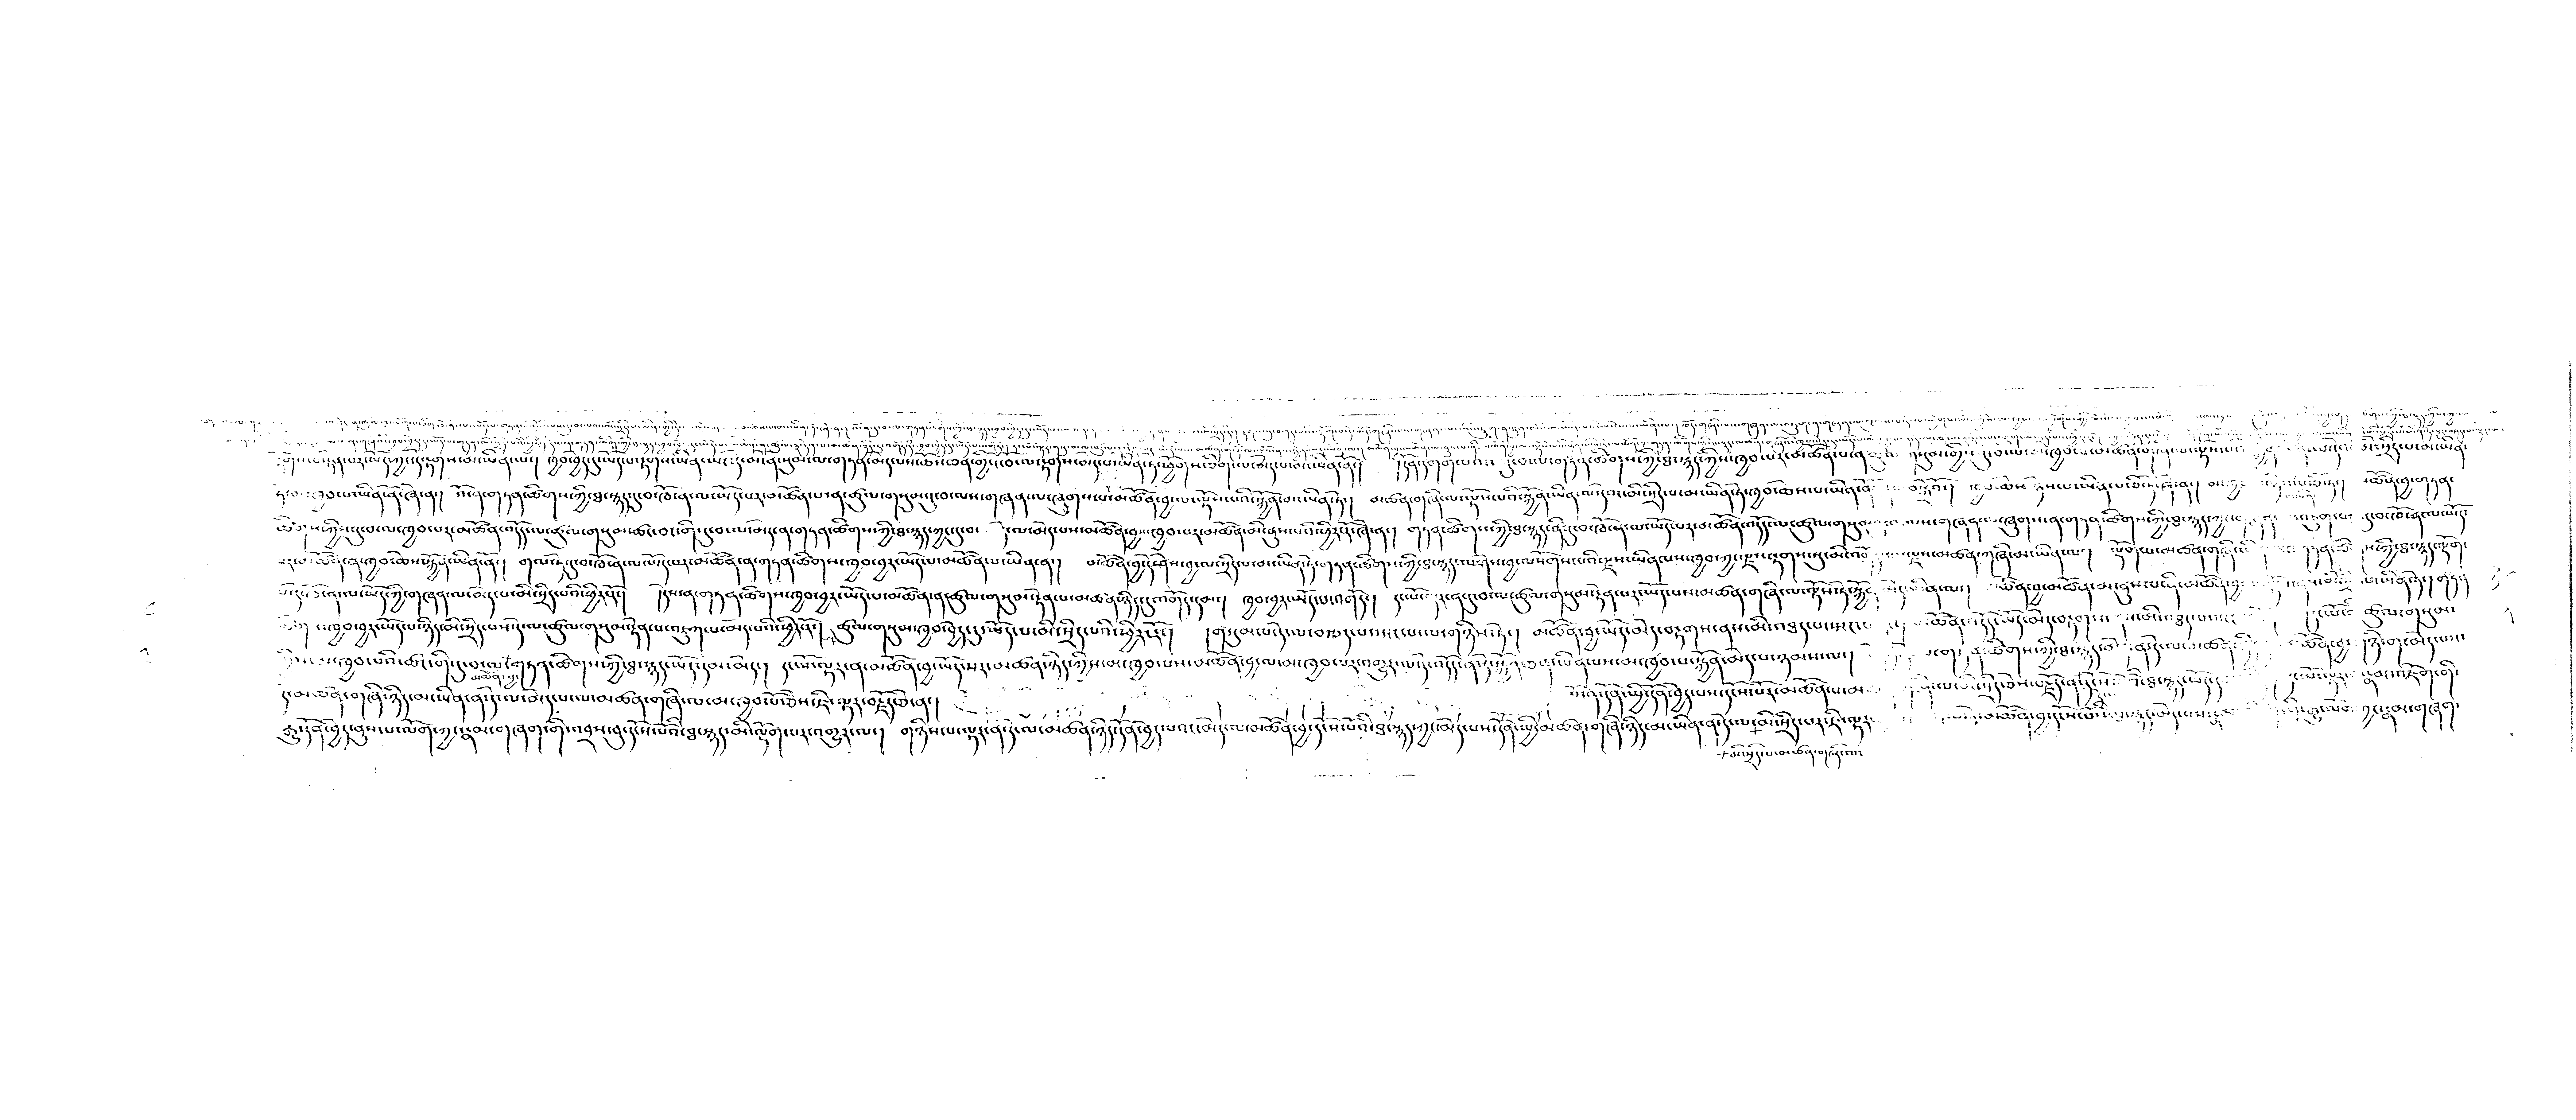རྟོག་པ་སྟེན་པར་ཡོད་ཀྱང་དེ་རྟགས་པ་ཡིན་པ། ཁྱབ་བྱེད་དུ་ཡོད་པ་རྟགས་ཡིན་ཡང་དེ་མངོན་སུམ་ལ་གཏན་མེད་པས་ཆོས་ཅན་གྱི་ངོ་བོ་ལ་རྟགས་ཡོད་པ་ཡིན་ཏེ་ཕྱོགས་ཅིག་ལ་མེད་པ་མ་ཡིན་ནོ། །དོན་དགག་པའང་དུ་བ་ལ་གཏན་ཚིགས་ཀྱི་ཐ་སྙད་ཀྱིས་ཁྱབ་པར་མཚོན་པ་ན་ཚུལ་གསུམ་གྱིས་དུ་བ་ལ་མ་ཁྱབ་པ་མཚན་གཞི་ལ་ལྟོས་པའི་སྐྱོན་ཡོད་པ་དེའི་མི་སྲིད་པ་མ་ཡིན་
ཏེ། མ་ཁྱབ་པ་ཡིན་ནོ་ཞེ་ན། འོ་ན་གཏན་ཚིགས་ཀྱི་ཐ་སྙད་དུ་བ་ཁོ་ན་ལ་ཡོད་པར་མཚོན་པ་ན་ཚུལ་གསུམ་དུ་བ་ལས་གཞན་ལ་ཞུགས་པ་མཚོན་བྱ་ལ་ལྟོས་པའི་སྐྱོན་མ་ཡིན་ཏེ། མཚན་གཞི་ལ་ལྟོས་པའི་སྐྱོན་ཡིན་ལ་དེའང་མི་སྲིད་པ་མ་ཡིན་ཏེ་ཁྱབ་ཆེས་པ་ཡིན་ནོ་ཞེས་བསྒྲེའོ། །ཁྱབ་ཆོས་ཉེས་པ་ཡིན་པ་ཅི་ཏེ་ཞེ་ན། མ་ཁྱབ་པ་ཉེས་པ་མིན་པ་ཅི་ཏེ?། མཚོན་བྱ་གཏན་
ཚིགས་ཀྱིས་དུ་བ་ལ་ཁྱབ་པར་མཚོན་འདོད་པ་ཚུལ་གསུམ་ཚང་བང་གི་དུ་བ་ལ་མེད་ན་གཏན་ཚིགས་ཀྱི་ཐ་སྙད་ཀྱང་དུ་བ་དེ་ལ་མེད་པས་མཚོན་བྱས་ཁྱབ་པར་མཚོན་མི་ནུས་པའི་ཕྱིར་རོ་ཞེ་ན། གཏན་ཚིགས་ཀྱི་ཐ་སྙད་ནི་དུ་བ་ཁོ་ན་མ་ཡོད་པར་མཚོན་འདོད་ལ་ཚུལ་གསུམ་དུ་བ་ལས་གཞན་ལ་ཞུགས་ན་གཏན་ཚིགས་ཀྱི་ཐ་སྙད་ཀྱང་གཞན་ལ་འཇུག་པས་དུ་བ་ཁོ་ན་ལ་ཡོད་
པར་མཚོན་ན་ཁྱབ་ཆེས་སྐྱོན་ཡིན་ནོ། གལ་ཏེ་དུ་བ་ཁོ་ན་ལ་ཡོད་པར་མཚོན་ན་གཏན་ཚིགས་ཁྱབ་བྱར་ཡོད་པ་མཚོན་པ་ཡིན་ན། མཚོན་བྱ་དེ་ཤེས་བྱ་ལ་སྲིད་པ་མ་ཡིན་ཏེ་གཏན་ཚིགས་ཀྱི་ཐ་སྙད་ལ་ཤེས་བྱ་ལ་སོགས་པའི་རྫས་ཡིན་པས་ཁྱབ་ཀྱང་རྫས་རྟགས་སུ་མི་འགོད་པས་རྫས་མཚན་གཞི་མ་ཡིན་ལ། ལྡོག་པ་མཚན་གཞི་ཡིན་ཡང་གཏན་ཚིགས་ཀྱི་ཐ་སྙད་ལྡོག་པ་དེ་ཁོ་ན་ལ་ཡོད་ཀྱི་གཞན་ལ་མེད་པ་མི་སྲིད་པའི་ཕྱིར་རོ། །དེས་ན་གཏན་ཚིགས་ཁྱབ་བྱར་ཡོད་པ་མཚོན་ན་ཚུལ་གསུམ་རྟེན་པ་མཚན་ཉིད་དུ་འགོད་དམ། ཁྱབ་བྱར་ཡོད་པ་འགོད། དང་པོ་ལྟར་ན་དུ་བ་ལ་ཚུལ་གསུམ་རྟེན་པར་ཡོད་པས་མཚན་གཞི་ལ་ལྟོས་ཏེ་སྐྱོན་ཡོད་མིན་ལ། མཚོན་བྱ་མཚོན་མ་ནུས་པ་ནི་མཚོན་བྱ་ལ་ལྟོས་ནས་མི་སྲིད་པ་ཡིན་ཏེ། གཏན་
ཚིགས་ཁྱབ་བྱར་ཡོད་པ་ཉིད་མི་སྲིད་པས་དེ་ལ་ཚུལ་གསུམ་རྟེན་པ་འཇུག་པ་མེད་པའི་ཕྱིར་རོ། ཚུལ་གསུམ་ཁྱབ་བྱེད་དུ་ཡོད་པ་མི་སྲིད་པའི་ཕྱིར་རོ། །གསུམ་པ་དེ་ལ་བརྩད་པ་སྤང་པ་ལ་གཉིས་ཏེ། མཚོན་བྱ་ཡོད་མེད་བརྟགས་ནས་མི་འཐད་པ་སྤང་པ་དང་། མཚོན་འདོད་ཡོད་མེད་བརྟགས་ནས་མི་འཐད་པ་སྤང་པའོ། །དང་པོ་ནི་ཚུལ་གསུམ་
གྱིས་མ་ཁྱབ་པའི་ཚང་གི་དུ་བ་ལ་མཚོན་བྱ་གཏན་ཚིགས་ཀྱི་ཐ་སྙད་ཡོད་དམ་མེད། དང་པོ་ལྟར་ན་མཚོན་བྱ་ཡོད་སར་མཚན་ཉིད་ཀྱིས་མ་ཁྱབ་པས་མཚོན་བྱ་ལ་མ་ཁྱབ་པར་འགྱུར་པ་དེ་འདོད་ན་དེ་སྐྱོན་ཅན་ཡིན་པས་མ་ཁྱབ་པ་སྐྱོན་མེད་པ་ཉམས་ལ། དེ་ལ་གཏན་ཚིགས་ཀྱི་ཐ་སྙད་མེད་ན་དེ་ལ་མཚན་ཉིད་དང་མཚོན་བྱ་གཉི་ག་མེད་པས་
དེ་མཚན་གཞི་ཉིད་མ་ཡིན་ན་དེ་ལ་མེད་པ་ལ་མཚན་གཞི་ལ་མ་ཁྱབ་པོ་ཅེས་ཇི་ལྟར་བརྗོད་ཅེ་ན། འོ་ན་དོན་སྤྱི་དོན་བྱེད་པས་དངོས་པོར་མཚོན་པ་མཚན་གཞི་ལ་མི་སྲིད་ཅེས་བརྗོད་ན་དེ་ལ་དངོས་པོའི་ཐ་སྙད་ཡོད་དམ་མེད། དང་པོ་ལྟར་ན་རྣམ་འཇོག་གི་
རྒྱུ་དོན་བྱེད་ནུས་པ་ལོག་ཀྱང་རྣམ་གཞག་གི་འབྲས་བུ་དངོས་པོའི་ཐ་སྙད་མི་ལྡོག་པར་འགྱུར་ལ། གཉིས་པ་ལྟར་ན་དེ་ལ་མཚན་ཉིད་དོན་བྱེད་པའང་མེད་ལ་མཚོན་བྱ་དངོས་པོའི་ཐ་སྙད་ཀྱང་མེད་པས་དོན་སྤྱི་མཚན་གཞི་ཉིད་མ་ཡིན་ན་དེ་ལ་མི་སྲིད་པ་མཚན་གཞི་ལ་མི་སྲིད་པར་ཇི་ལྟར། གལ་ཏེ་མཚོན་བྱ་དངོས་པོའི་ཐ་སྙད་མེད་པས་རྣམ་འཇོག་གི་རྒྱུ་ལོག་ཀྱང་རྣམ་གཞག་